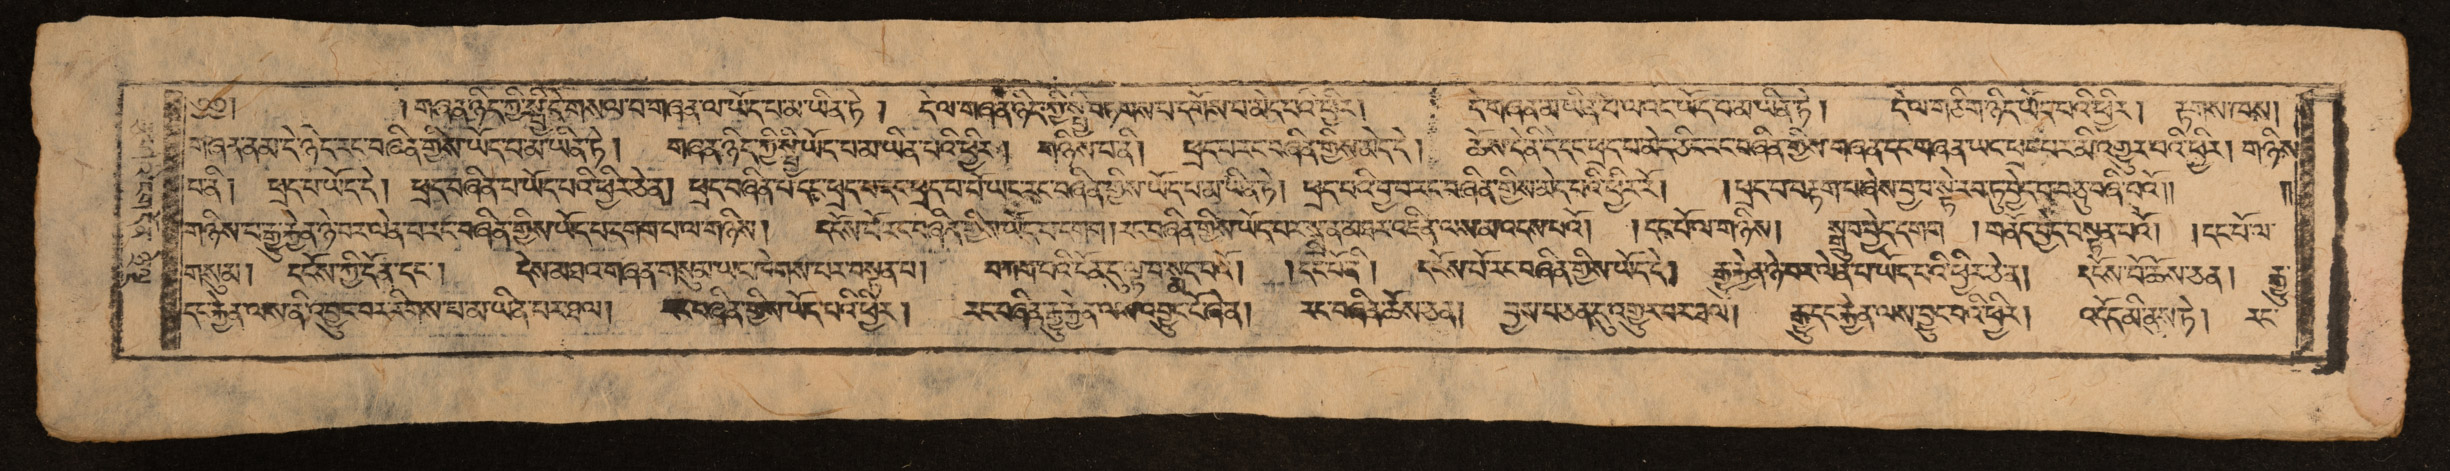༄༅། །གཞན་ཉིད་ཀྱི་སྤྱི་དེ་གསལ་བ་གཞན་ལ་ཡོད་པ་མ་ཡིན་ཏེ། དེ་ལ་གཞན་ཉིད་ཀྱི་སྤྱི་བཏགས་པ་དགོས་པ་མེད་པའི་ཕྱིར། དེ་གཞན་མ་ཡིན་པ་ལའང་ཡོད་པ་མ་ཡིན་ཏེ། དེ་ལ་གཅིག་ཉིད་ཡོད་པའི་ཕྱིར། རྟགས་ཁས།
གཞན་ནམ་དེ་ཉིད་རང་བཞིན་གྱིས་ཡོད་པ་མ་ཡིན་ཏེ། གཞན་ཉིད་ཀྱི་སྤྱི་ཡོད་པ་མ་ཡིན་པའི་ཕྱིར། གཉིས་པ་ནི། ཕྲད་པ་རང་བཞིན་གྱིས་མེད་དེ། ཆོས་དེ་ནི་དེ་དང་ཕྲད་པ་མེད་ཅིང་རང་བཞིན་གྱིས་གཞན་དང་གཞན་ཡང་ཕྲད་པར་མི་འགྱུར་བའི་ཕྱིར། གཉིས་
བ་ནི། ཕྲད་པ་ཡོད་དེ། ཕྲད་བཞིན་པ་ཡོད་པའི་ཕྱིར་ཅེ་ན། ཕྲད་བཞིན་པ་དང་ཕྲད་པ་དང་ཕྲད་པ་པོ་ཡང་རང་བཞིན་གྱིས་ཡོད་པ་མ་ཡིན་ཏེ། ཕྲད་པའི་བྱ་བ་རང་བཞིན་གྱིས་མེད་པའི་ཕྱིར་རོ། །ཕྲད་པ་བརྟག་པ་ཞེས་བྱ་བ་སྟེ་རབ་ཏུ་བྱེད་པ་བཅུ་བཞི་པའོ།། །།
གཉིས་པ་རྒྱུ་རྐྱེན་ཉེ་བར་ལེན་པ་རང་བཞིན་གྱིས་ཡོད་པ་དགག་པ་ལ་གཉིས། དངོས་པོ་རང་བཞིན་གྱིས་ཡོད་པ་དགག །རང་བཞིན་གྱིས་ཡོད་པར་སྨྲ་ན་མཐར་འཛིན་ལས་མ་འདས་པའོ། །དང་པོ་ལ་གཉིས། སྒྲུབ་བྱེད་དགག །གནོད་བྱེད་བསྟན་པའོ། །དང་པོ་ལ་
གསུམ། དངོས་ཀྱི་དོན་དང་། དེས་མཐའ་གཞན་གསུམ་ཡང་ཁེགས་པར་བསྟན་པ། བཀག་པའི་དོན་དུ་ལྟ་བ་སྨད་པའོ། །དང་པོ་ནི། དངོས་པོ་རང་བཞིན་གྱིས་ཡོད་དེ། རྒྱུ་རྐྱེན་ཉེ་བར་ལེན་པ་ཡོད་པའི་ཕྱིར་ཅེ་ན། དངོས་པོ་ཆོས་ཅན། རྒྱུ་
དང་རྐྱེན་ལས་ནི་འབྱུང་བར་རིགས་པ་མ་ཡིན་པར་ཐལ། རང་བཞིན་གྱིས་ཡོད་པའི་ཕྱིར། རང་བཞིན་རྒྱུ་རྐྱེན་ལས་འབྱུང་ངོ་ཞེ་ན། རང་བཞིན་ཆོས་ཅན། བྱས་པ་ཅན་དུ་འགྱུར་བར་ཐལ། རྒྱུ་དང་རྐྱེན་ལས་བྱུང་བའི་ཕྱིར། འདོད་མི་ནུས་ཏེ། རང་